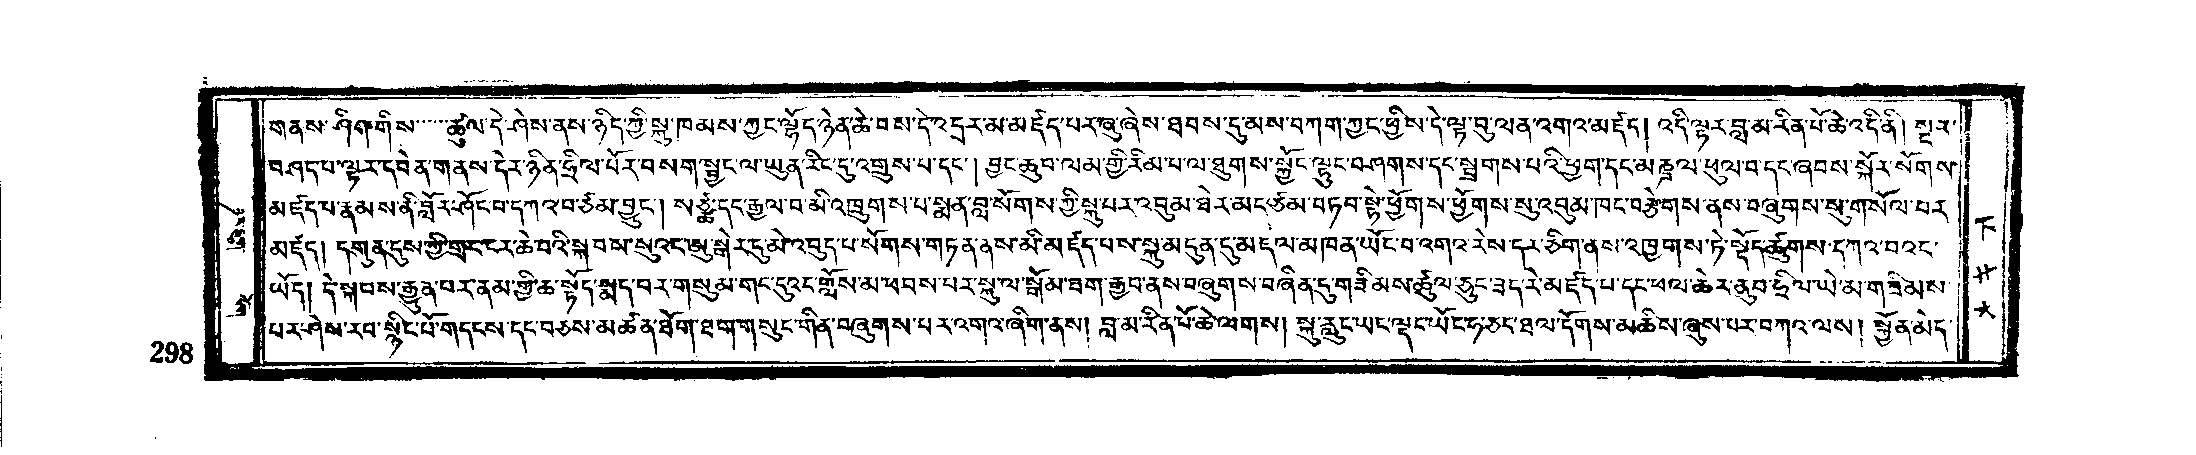གནས་ཤིག་གིས་ཚུལ་དེ་ཤེས་ནས་ཉིད་ཀྱི་སྐུ་ཁམས་ཀྱང་ལྷོད་ཉེན་ཆེ་བས་དེ་འདྲར་མ་མཛད་པར་ཞུ་ཞེས་ཐབས་དུ་མས་བཀག་ཀྱང་ཕྱིས་དེ་ལྟ་བུ་ལན་འགའ་མཛད། འདི་ལྟར་བླ་མ་རིན་པོ་ཆེ་འདི་ནི། སྔར་
བཤད་པ་ལྟར་དབེན་གནས་དེར་ཉིན་ཧྲིལ་པོར་བསག་སྦྱང་ལ་ཡུན་རིང་དུ་འགྲུས་པ་དང་། བྱང་ཆུབ་ལམ་གྱི་རིམ་པ་ལ་ཐུགས་སྐྱོང་ལྟུང་བཤགས་དང་སྦྲགས་པའི་ཕྱག་དང་མཎྜལ་ཕུལ་བ་དང་ཞབས་སྐོར་སོགས་
མཛད་པ་རྣམས་ནི་བློར་ཤོང་བ་དཀའ་བ་ཙམ་བྱུང་། སཙྪ་དང་རྒྱལ་བ་མི་འཁྲུགས་པ་སྨན་བླ་སོགས་ཀྱི་སྐུ་པར་འབུམ་ཐེར་མད་ཙམ་བཏབ་སྟེ་ཕྱོགས་ཕྱོགས་སུ་འབུམ་ཁང་བརྩེགས་ནས་བཞུགས་སུ་གསོལ་བར་
མཛད། དགུན་དུས་ཀྱི་གྲང་ངར་ཆེ་བའི་སྐབས་སུའང་ཨུ་སྒེར་དུ་མེ་འབུད་པ་སོགས་གཏན་ནས་མི་མཛད་པས་སྐུ་མདུན་དུ་མཇལ་མཁན་ཡོང་བ་འགའ་རེས་དར་ཅིག་ནས་འཁྱགས་ཏེ་སྡོད་ཚུགས་དཀའ་པའང་
ཡོད། དེ་སྐབས་རྒྱུན་བར་ནམ་གྱི་ཆ་སྟོད་སྨད་བར་གསུམ་གང་དུའང་གློས་མ་ཕབས་པར་སྐུ་ལ་སྒོམ་ཐག་རྒྱབ་ནས་བཞུགས་བཞིན་དུ་གཟིམས་ཚུལ་ཅུང་ཟད་རེ་མཛད་པ་དང་ཕལ་ཆེར་ནུབ་ཧྲིལ་ཡེ་མ་གཟིམས་
པར་ཤེས་རབ་སྙིང་པོ་གདངས་དང་བཅས་མཚན་ཐོག་ཐག་གསུང་གིན་བཞུགས་པར་འགའ་ཞིག་ནས། བླ་མ་རིན་པོ་ཆེ་ལགས། སྐུ་རླུང་ཊྱང་ལྡང་ཡོང་ཧ་ཅང་ཐལ་དོགས་མཆིས་ཞུས་པར་བཀའ་ལས། སྐྱོན་མེད་